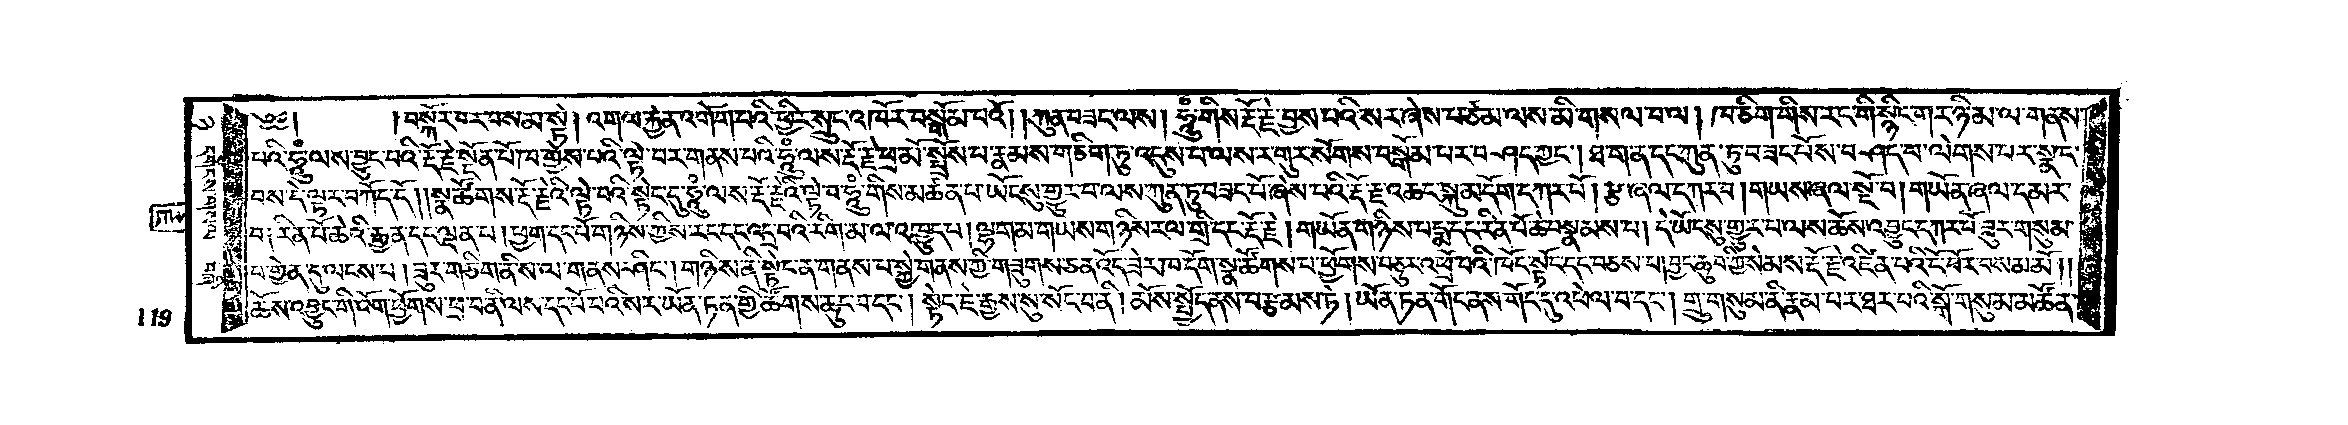༄༅། །བསྐོར་བར་བསམ་སྟེ། འགལ་རྐྱེན་འགོག་པའི་ཕྱིར་སྲུང་འཁོར་བསྒོམ་པའོ། །ཀུན་བཟང་ལས། ཧཱུཾ་གིས་རྡོ་རྗེ་བྱས་པའི་སར་ཞེས་པ་ཙམ་ལས་མི་གསལ་བ་ལ། ཁ་ཅིག་གིས་རང་གི་སྙིང་གར་ཉི་མ་ལ་གནས་
པའི་ཧཱུཾ་ལས་བྱུང་བའི་རྡོ་རྗེ་སྔོན་པོ་ཁ་གྱེས་པའི་ལྟེ་བར་གནས་པའི་ཧཱུཾ་ལས་རྡོ་རྗེ་ཕྲ་མོ་སྤྲོས་པ་རྣམས་གཅིག་ཏུ་འདུས་པ་ལས་ར་གུར་སོགས་བསྒོམ་པར་བཤད་ཀྱང་། ཐ་ག་ན་དང་ཀུན་ཏུ་བཟང་པོས་བཤད་པ་ལེགས་པར་སྣང་
བས་དེ་ལྟར་བཀོད་དོ། །སྣ་ཚོགས་རྡོ་རྗེའི་ལྟེ་བའི་སྟེང་དུ་ཧཱུཾ་ལས་རྡོ་རྗེའི་ལྟེ་བ་ཧཱུཾ་གིས་མཚན་པ་ཡོངས་སུ་གྱུར་པ་ལས་ཀུན་ཏུ་བཟང་པོ་ཞེས་པའི་རྡོ་རྗེ་འཆང་སྐུ་མདོག་དཀར་པོ། རྩ་ཞལ་དཀར་བ། གཡས་ཞལ་སྔོ་བ། གཡོན་ཞལ་དམར་
བ། རིན་པོ་ཆེའི་རྒྱན་དང་ལྡན་པ། ཕྱག་དང་པོ་གཉིས་ཀྱིས་རང་དང་འདྲ་བའི་རིག་མ་ལ་འཁྱུད་པ། ལྷག་མ་གཡས་གཉིས་རལ་གྲི་དང་རྡོ་རྗེ། གཡོན་གཉིས་པདམ་དང་རིན་པོ་ཆེ་བསྣམས་པ། དེ་ཡོངས་སུ་གྱུར་པ་ལས་ཆོས་འབྱུང་དཀར་པོ་ཟུར་གསུམ་
པ་གྱེན་དུ་ལངས་པ། ཟུར་གཅིག་ནི་ས་ལ་གནས་ཤིང་། གཉིས་ནི་སྟེང་ན་གནས་པ་སྐྱེ་གནས་ཀྱི་གཟུགས་ཅན་འོད་ཟེར་ཁ་དོག་སྣ་ཚོགས་པ་ཕྱོགས་བཅུར་འཕྲོ་བའི་ཁོང་སྟོང་དང་བཅས་པ། བྱང་ཆུབ་ཀྱི་སེམས་རྡོ་རྗེ་འཛིན་པའི་ངོ་བོར་བསམ་མོ། །
ཆོས་འབྱུང་གི་འོག་ཕྱོགས་ཕྲ་བ་ནི་ལས་དང་པོ་པའི་སར་ཡོན་ཏན་གྱི་ཚོགས་ཆུང་བ་དང་། སྟེང་ཇེ་རྒྱས་སུ་སོང་བ་ནི། མོས་སྤྱོད་ནས་བརྩམས་ཏེ། ཡོན་ཏན་གོང་ནས་གོང་དུ་འཕེལ་བ་དང་། གྲུ་གསུམ་ནི་རྣམ་པར་ཐར་པའི་སྒོ་གསུམ་མཚོན་